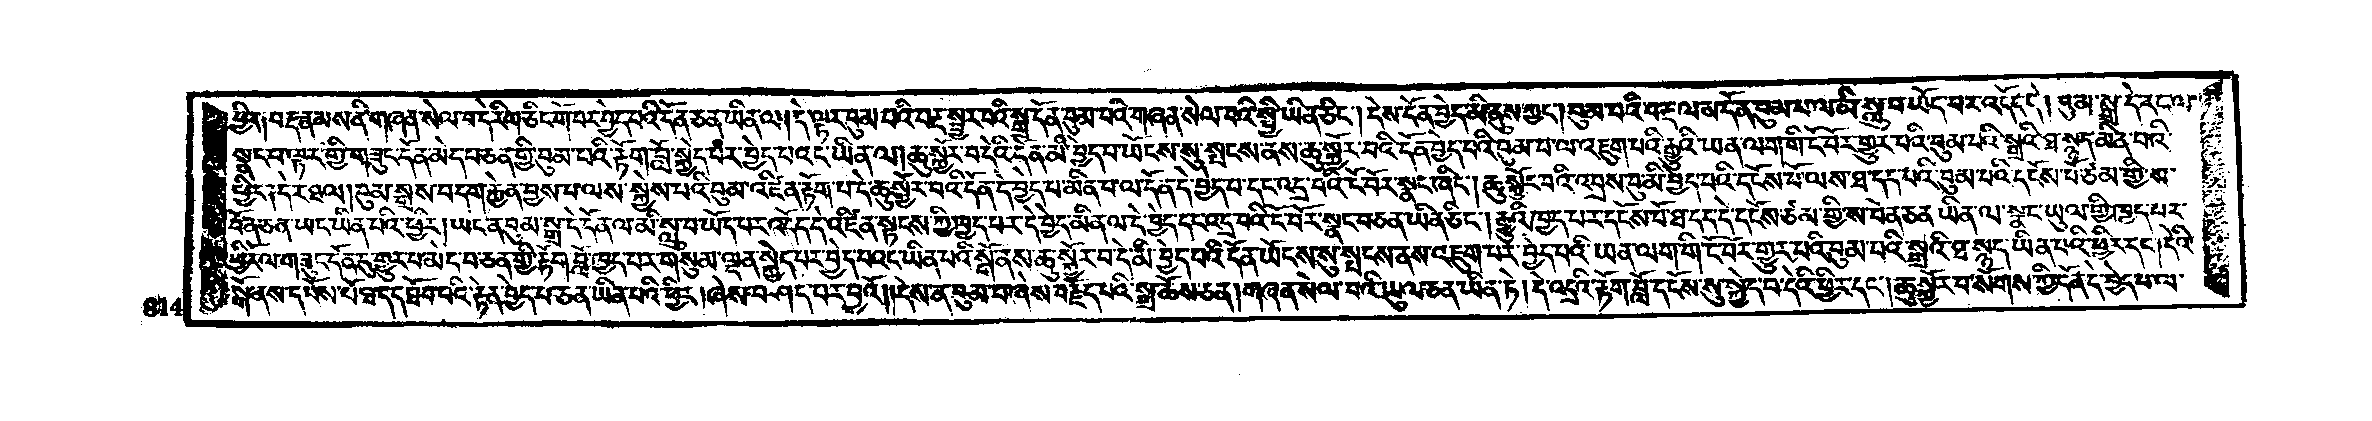ཕྱིར། བརྡ་རྣམས་ནི་གཞན་སེལ་བ་དེ་རིག་ཅིང་གོ་བར་བྱེད་པའི་དོན་ཅན་ཡིན་ལ། དེ་ལྟར་བུམ་པའི་བརྡ་སྦྱར་བའི་སྒྲ་དོན་བུམ་པའི་གཞན་སེལ་བའི་སྤྱི་ཡིན་ཅིང་། དེས་དོན་བྱེད་མི་ནུས་ཀྱང་། བུམ་པའི་བརྡ་ལམ་དོན་བུམ་པ་ལ་མི་སླུ་བ་ཡོད་པར་འདོད་དེ། བུམ་སྒྲ་དེ་རང་ལ་
སྣང་བ་ལྟར་གྱི་གཟུང་དོན་མེད་པ་ཅན་གྱི་བུམ་པའི་རྟོག་བློ་སྐྱེད་པར་བྱེད་པའང་ཡིན་ལ། ཆུ་སྐྱོར་བ་དེའི་དོན་མི་བྱེད་པ་ཡོངས་སུ་སྤངས་ནས་ཆུ་སྐྱོར་བའི་དོན་བྱེད་པའི་བུམ་པ་ལ་འཇུག་པའི་རྒྱུའི་ཡན་ལག་གི་ངོ་བོར་གྱུར་པའི་བུམ་པའི་སྒྲའི་ཐ་སྙད་མིན་པའི་
ཕྱིར། དེར་ཐལ། བུམ་སྒྲས་བདག་རྐྱེན་བྱས་པ་ལས་སྐྱེས་པའི་བུམ་འཛིན་རྟོག་པ་དེ་ཆུ་སྐྱོར་བའི་དོན་དེ་བྱེད་པ་མིན་པ་ལ་དོན་དེ་བྱེད་པ་དང་འདྲ་བའི་ངོ་བོར་སྣང་ཞིང་། ཆུ་སྐྱོར་བའི་འབྲས་བུ་མི་བྱེད་པའི་དངོས་པོ་ལས་ཐ་དད་པའི་དངོས་པོ་ཙམ་གྱི་ས་
བོན་ཅན་ཡང་ཡིན་པའི་ཕྱིར། ཡང་ན་བུམ་སྒྲ་དེ་དོན་ལ་མི་སླུ་བ་ཡོད་པར་འདོད་དེ་འཛིན་སྟངས་ཀྱི་ཁྱད་པར་དེ་བྱེད་མིན་ལ་དེ་བྱེད་དང་འདྲ་བའི་ངོ་བོར་སྣང་བ་ཅན་ཡིན་ཅིང་། རྒྱུའི་ཁྱད་པར་དངོས་པོ་ཐ་དད་དེ་དངོས་ཙམ་གྱིས་ས་བོན་ཅན་ཡིན་ལ་སྣ་ཡུ་གྱི་ཁྱད་པར་
ཕྱི་རོལ་གཟུང་དོན་དུ་གྱུར་པ་མེད་པ་ཅན་གྱི་རྟོག་བློ་ཁྱད་པར་གསུམ་ལྡན་སྐྱེད་པར་བྱེད་པའང་ཡིན་པའི་སྒོ་ནས་ཆུ་སྐྱོར་བ་དེ་མི་བྱེད་པའི་དོན་ཡོངས་སུ་སྤངས་ནས་འཇུག་པར་བྱེད་པའི་ཡན་ལག་གི་ངོ་བོར་གྱུར་པའི་བུམ་པའི་སྒྲའི་ཐ་སྙད་ཡིན་པའི་ཕྱིར་དང་། དེའི་
སྒོ་ནས་དངོས་པོ་ཐ་དད་ཐོབ་པའི་རྟེན་བྱེད་པ་ཅན་ཡིན་པའི་ཕྱིར། ཞེས་བཤད་པར་བྱའོ། །དེས་ན་བུམ་པ་ཞེས་བརྗོད་པའི་སྒྲ་ཆོས་ཅན། གཞན་སེལ་བའི་ཡུལ་ཅན་ཡིན་ཏེ། དེ་འདྲའི་རྟོག་བློ་དངོས་སུ་སྐྱེད་པ་དེའི་ཕྱིར་དང་། ཆུ་སྐྱོར་བ་སོགས་ཀྱི་དོན་དེ་བྱེད་པ་ལ་